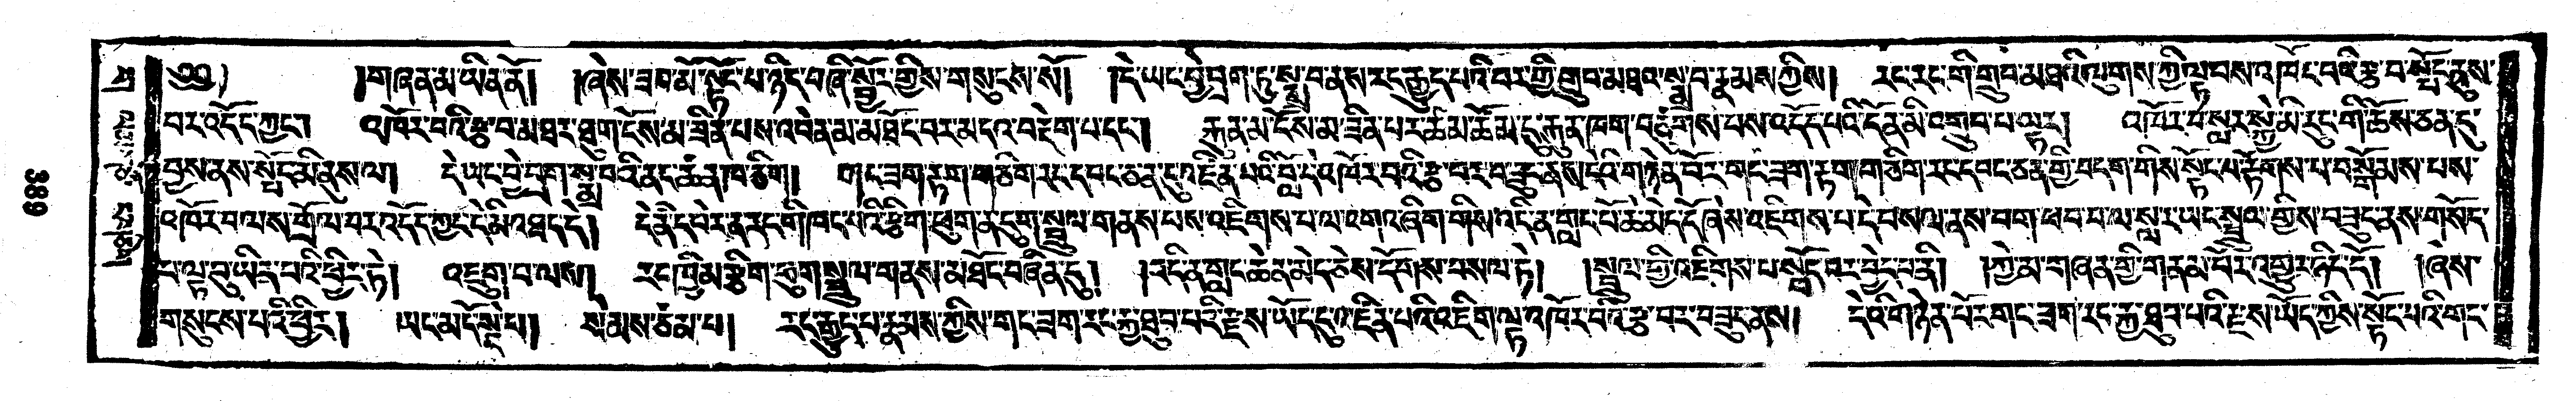༄༅། །གཞན་མ་ཡིན་ནོ། །ཞེས་ཟབ་མོ་སྟོང་པ་ཉིད་བཞི་སྦྱོར་གྱིས་གསུངས་སོ། །དེ་ཡང་བྱེ་བྲག་ཏུ་སྨྲ་བ་ནས་རང་རྒྱུད་པའི་བར་གྱི་གྲུབ་མཐའ་སྨྲ་བ་རྣམས་ཀྱིས། རང་རང་གི་གྲུབ་མཐའི་ལུགས་ཀྱི་ལྟ་བས་འཁོར་བའི་རྩ་བ་སྤོང་ནུས་
པར་འདོད་ཀྱང་། འཁོར་བའི་རྩ་བ་མཐར་ཐུག་ངོས་མ་ཟིན་པས་འབེན་མ་མཐོང་བར་མདའ་བརྡེག་པ་དང་། རྐུན་མ་ངོས་མ་ཟིན་པར་ཚམ་ཚོམ་དུ་རྐུན་ཁག་བཙུགས་པས་འདོད་པའི་དོན་མི་འགྲུབ་པ་ལྟར། འཁོར་བ་སླར་སྐྱེ་མི་རུང་གི་ཆོས་ཅན་དུ་
བྱས་ནས་སྤོང་མི་ནུས་ལ། དེ་ཡང་བྱེ་བྲག་སྨྲ་བའི་ནང་ཚན་ཁ་ཅིག། གང་ཟག་རྟག་གཅིག་རང་དབང་ཅན་དུ་འཛིན་པའི་བློ་དེ་འཁོར་བའི་རྩ་བར་བཟུང་ནས་དེའི་གཉེན་པོར་གང་ཟག་རྟག་གཅིག་རང་དབང་ཅན་གྱི་བདག་གིས་སྟོང་པ་རྟོགས་པ་བསྒོམས་པས་
འཁོར་བ་ལས་གྲོལ་བར་འདོད་ཀྱང་དེ་མི་འཐད་དེ། དེ་ནི་དཔེར་ན་རང་གི་ཁངས་པའི་རྩིག་ཕུག་ན་དུག་སྤྲུལ་གནས་པས་འཇིགས་པ་ལ་འགའ་ཞིག་གིས་འདི་ན་གླང་པོ་ཆེ་མེད་དོ་ཞེས་འཇིགས་པ་དེ་བསལ་ནས་བག་ཕབ་པ་ལ་སླར་ཡང་སྤྲུལ་གྱིས་བཟུང་ནས་གསོད་
པ་ལྟ་བུ་ཡིན་པའི་ཕྱིར་ཏེ། འཇུག་པ་ལས། རང་ཁྱིམ་རྩིག་ཕུག་སྤྲུལ་གནས་མཐོང་བཞིན་དུ། །འདི་ན་གླང་ཆེན་མེད་ཅེས་དོགས་བསལ་ཏེ། །སྤྲུལ་གྱི་འཇིགས་པ་སྤོད་པར་བྱེད་པ་ནི། །ཀྱེ་མ་གཞན་གྱི་གནམ་པོར་འགྱུར་ཉིད་དོ། །ཞེས་
གསུངས་པའི་ཕྱིར། ཡང་མདོ་སྡེ་པ། སེམས་ཙམ་པ། རང་རྒྱུད་པ་རྣམས་ཀྱིས་གང་ཟག་རང་རྐྱ་ཐུབ་པའི་རྫས་ཡོད་དུ་འཛིན་པའི་འཇིག་ལྟ་འཁོར་བའི་རྩ་བར་བཟུང་ནས། དེའི་གཉེན་པོར་གང་ཟག་རང་རྐྱ་ཐུབ་པའི་རྫས་ཡོད་ཀྱིས་སྟོང་པའི་གང་